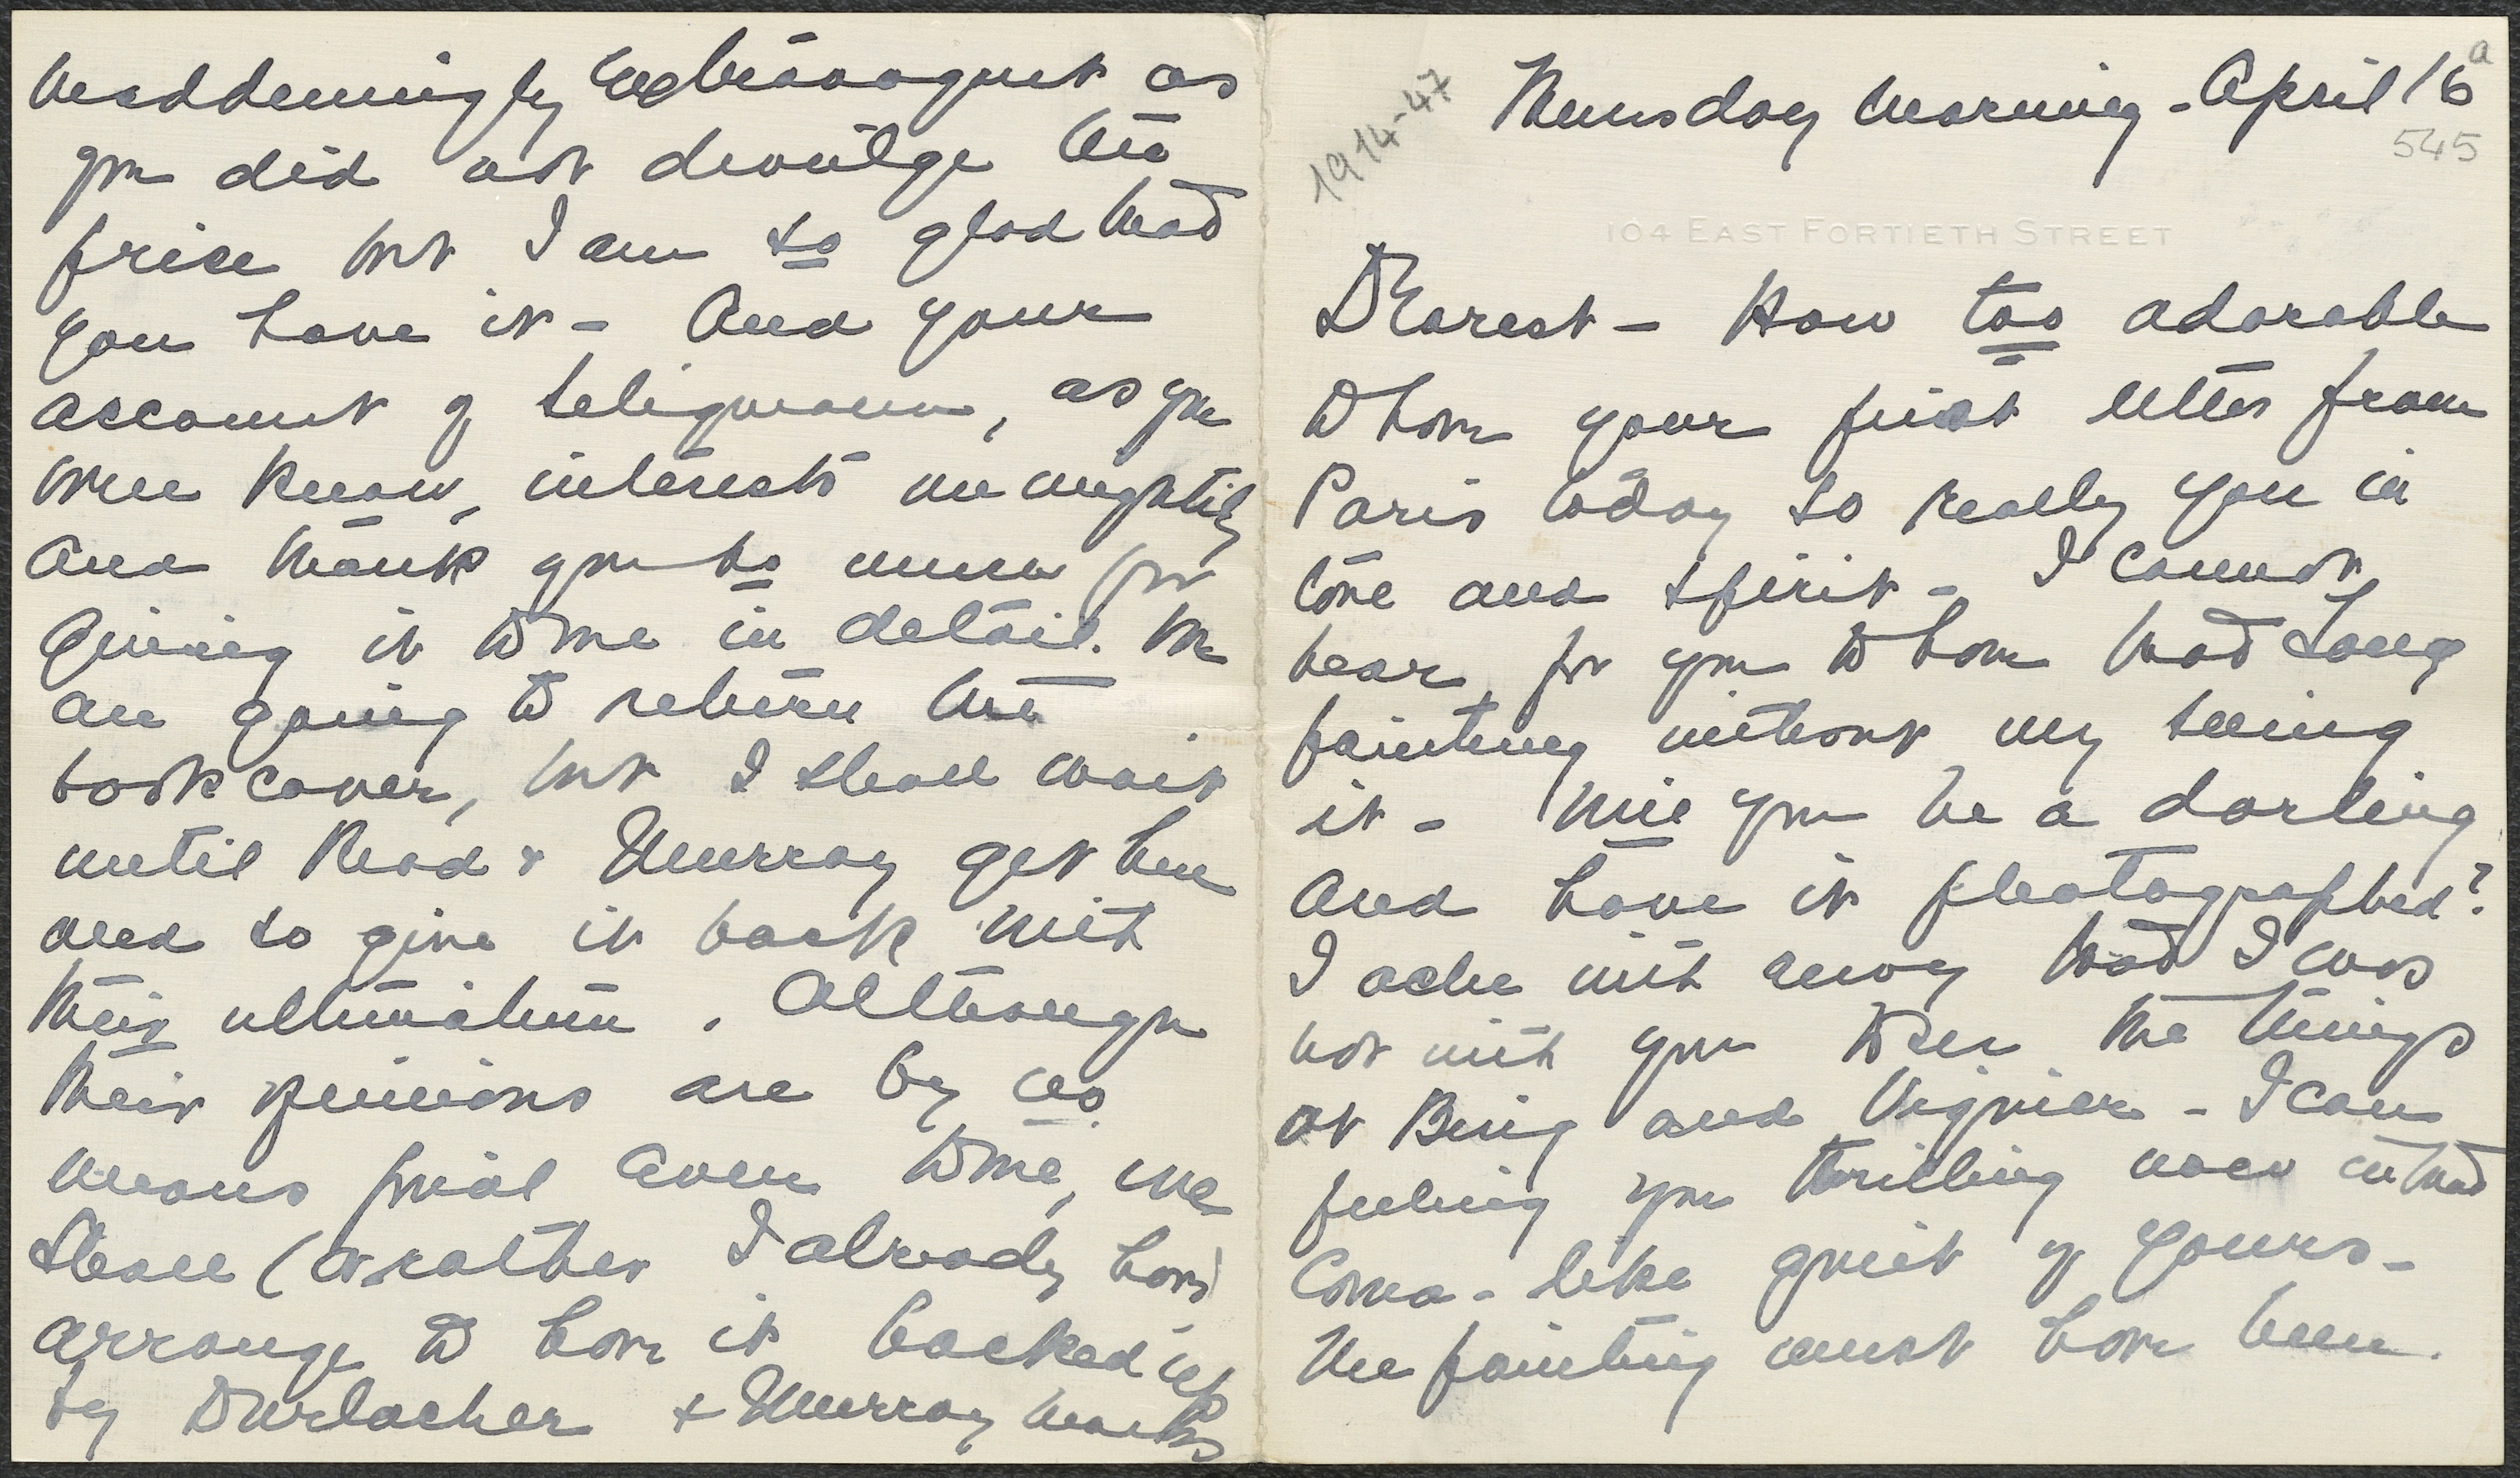Thursday morning – April 16
Dearest – How [double underlined: too] adorable to have your first letter from Paris today so really you in tone and spirit – I cannot bear for you to have that Tang painting without my seeing it – will you be a darling and have it photographed? I ache with envy that I was not with you to see the things at Bing and Vignier – I can feeling you thrilling now in that coma-like quiet of yours – the painting must have been
maddeningly extravagant as you did not divulge the price but I am so glad that you have it – And your account of Seligmann, as you will know, interests me mightily and thank you so much for giving it to me in detail. We are going to return the book cover, but I shall wait until Read & Murray get here and so give it back with their ultimatum, although their opinions are by no means final even to me, we shall (or rather I already have) arrange to have it backed up by Durlacher & Murray marks